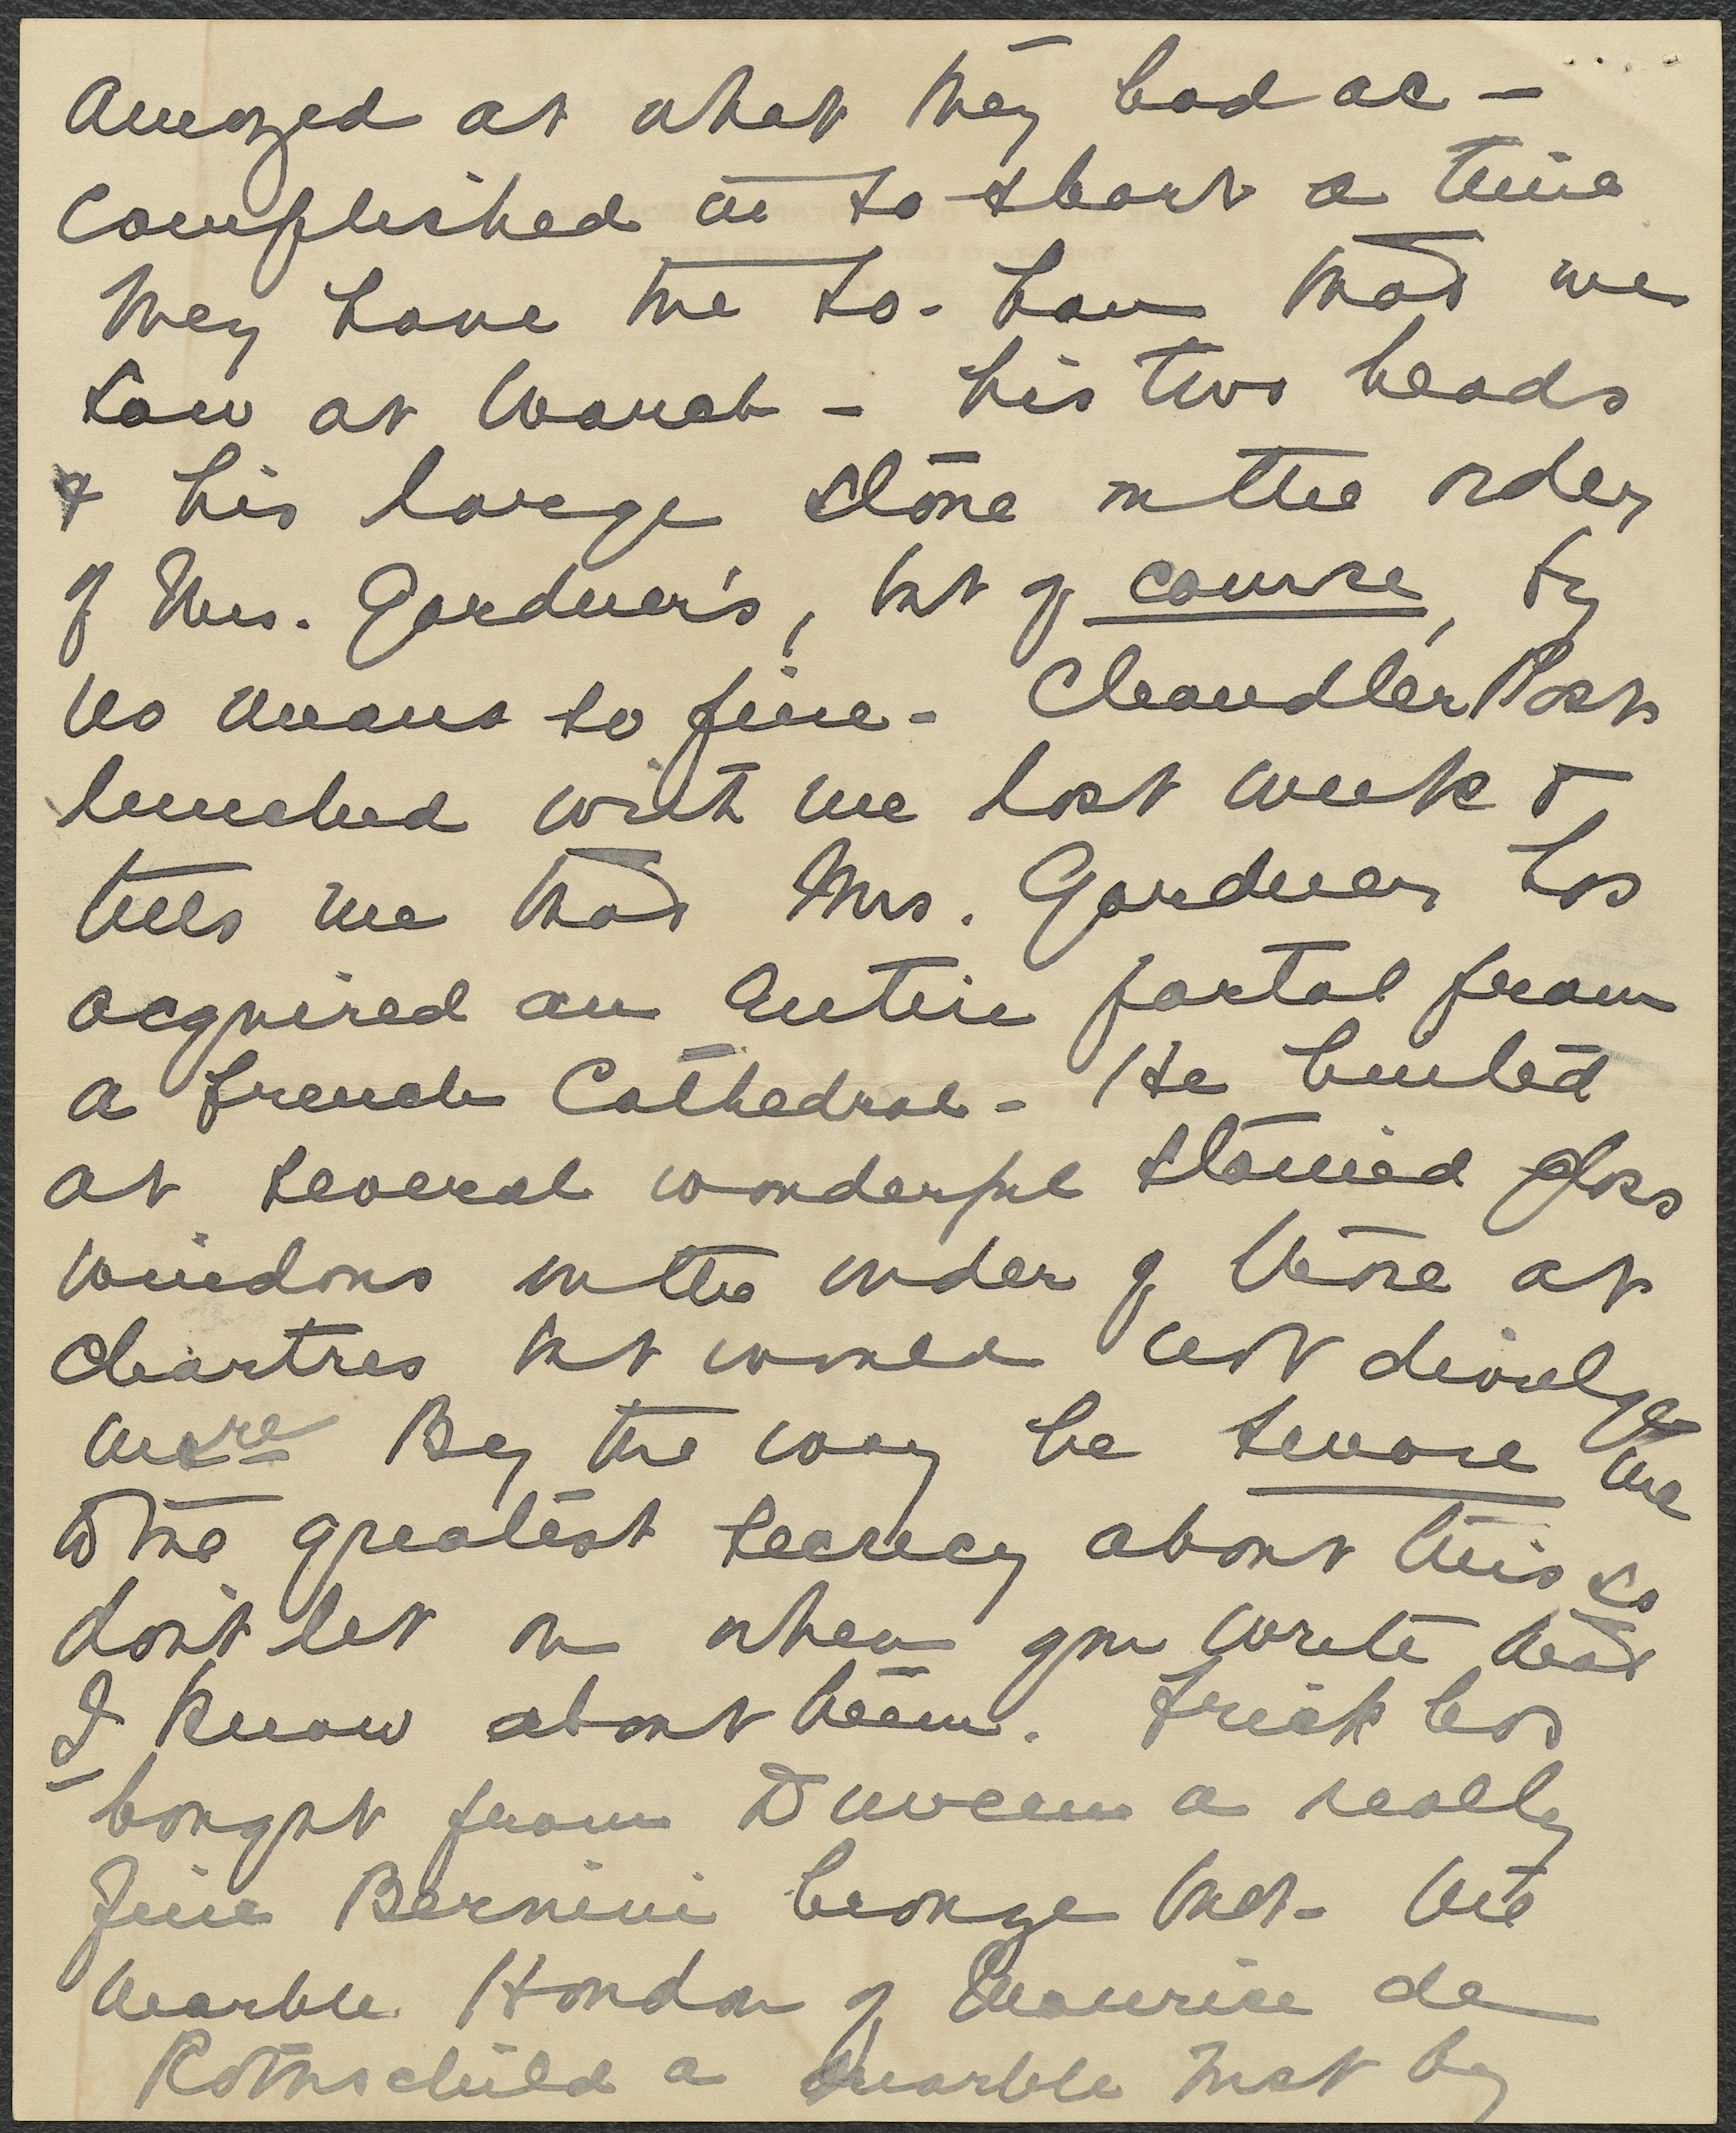amazed at what they had accomplished in so short a time
They have the Lo-han that we saw at Worch – his two heads & his large stone on the order of Mrs. Gardner's, but of course, by no means so fine. Chandler Post lunched with me last week & tells me that Mrs. Gardner has acquired an entire portal from a French Cathedral – He hinted at several wonderful stained glass windows on the order of those at Chartres but would not divulge more – By the way he swore me to the greatest secrecy about this so don't let on when you write that I know about them. Frick has bought from Duveen a really fine Bernini bronze bust, the marble Houdon of Maurice de Rothschild a marble bust by